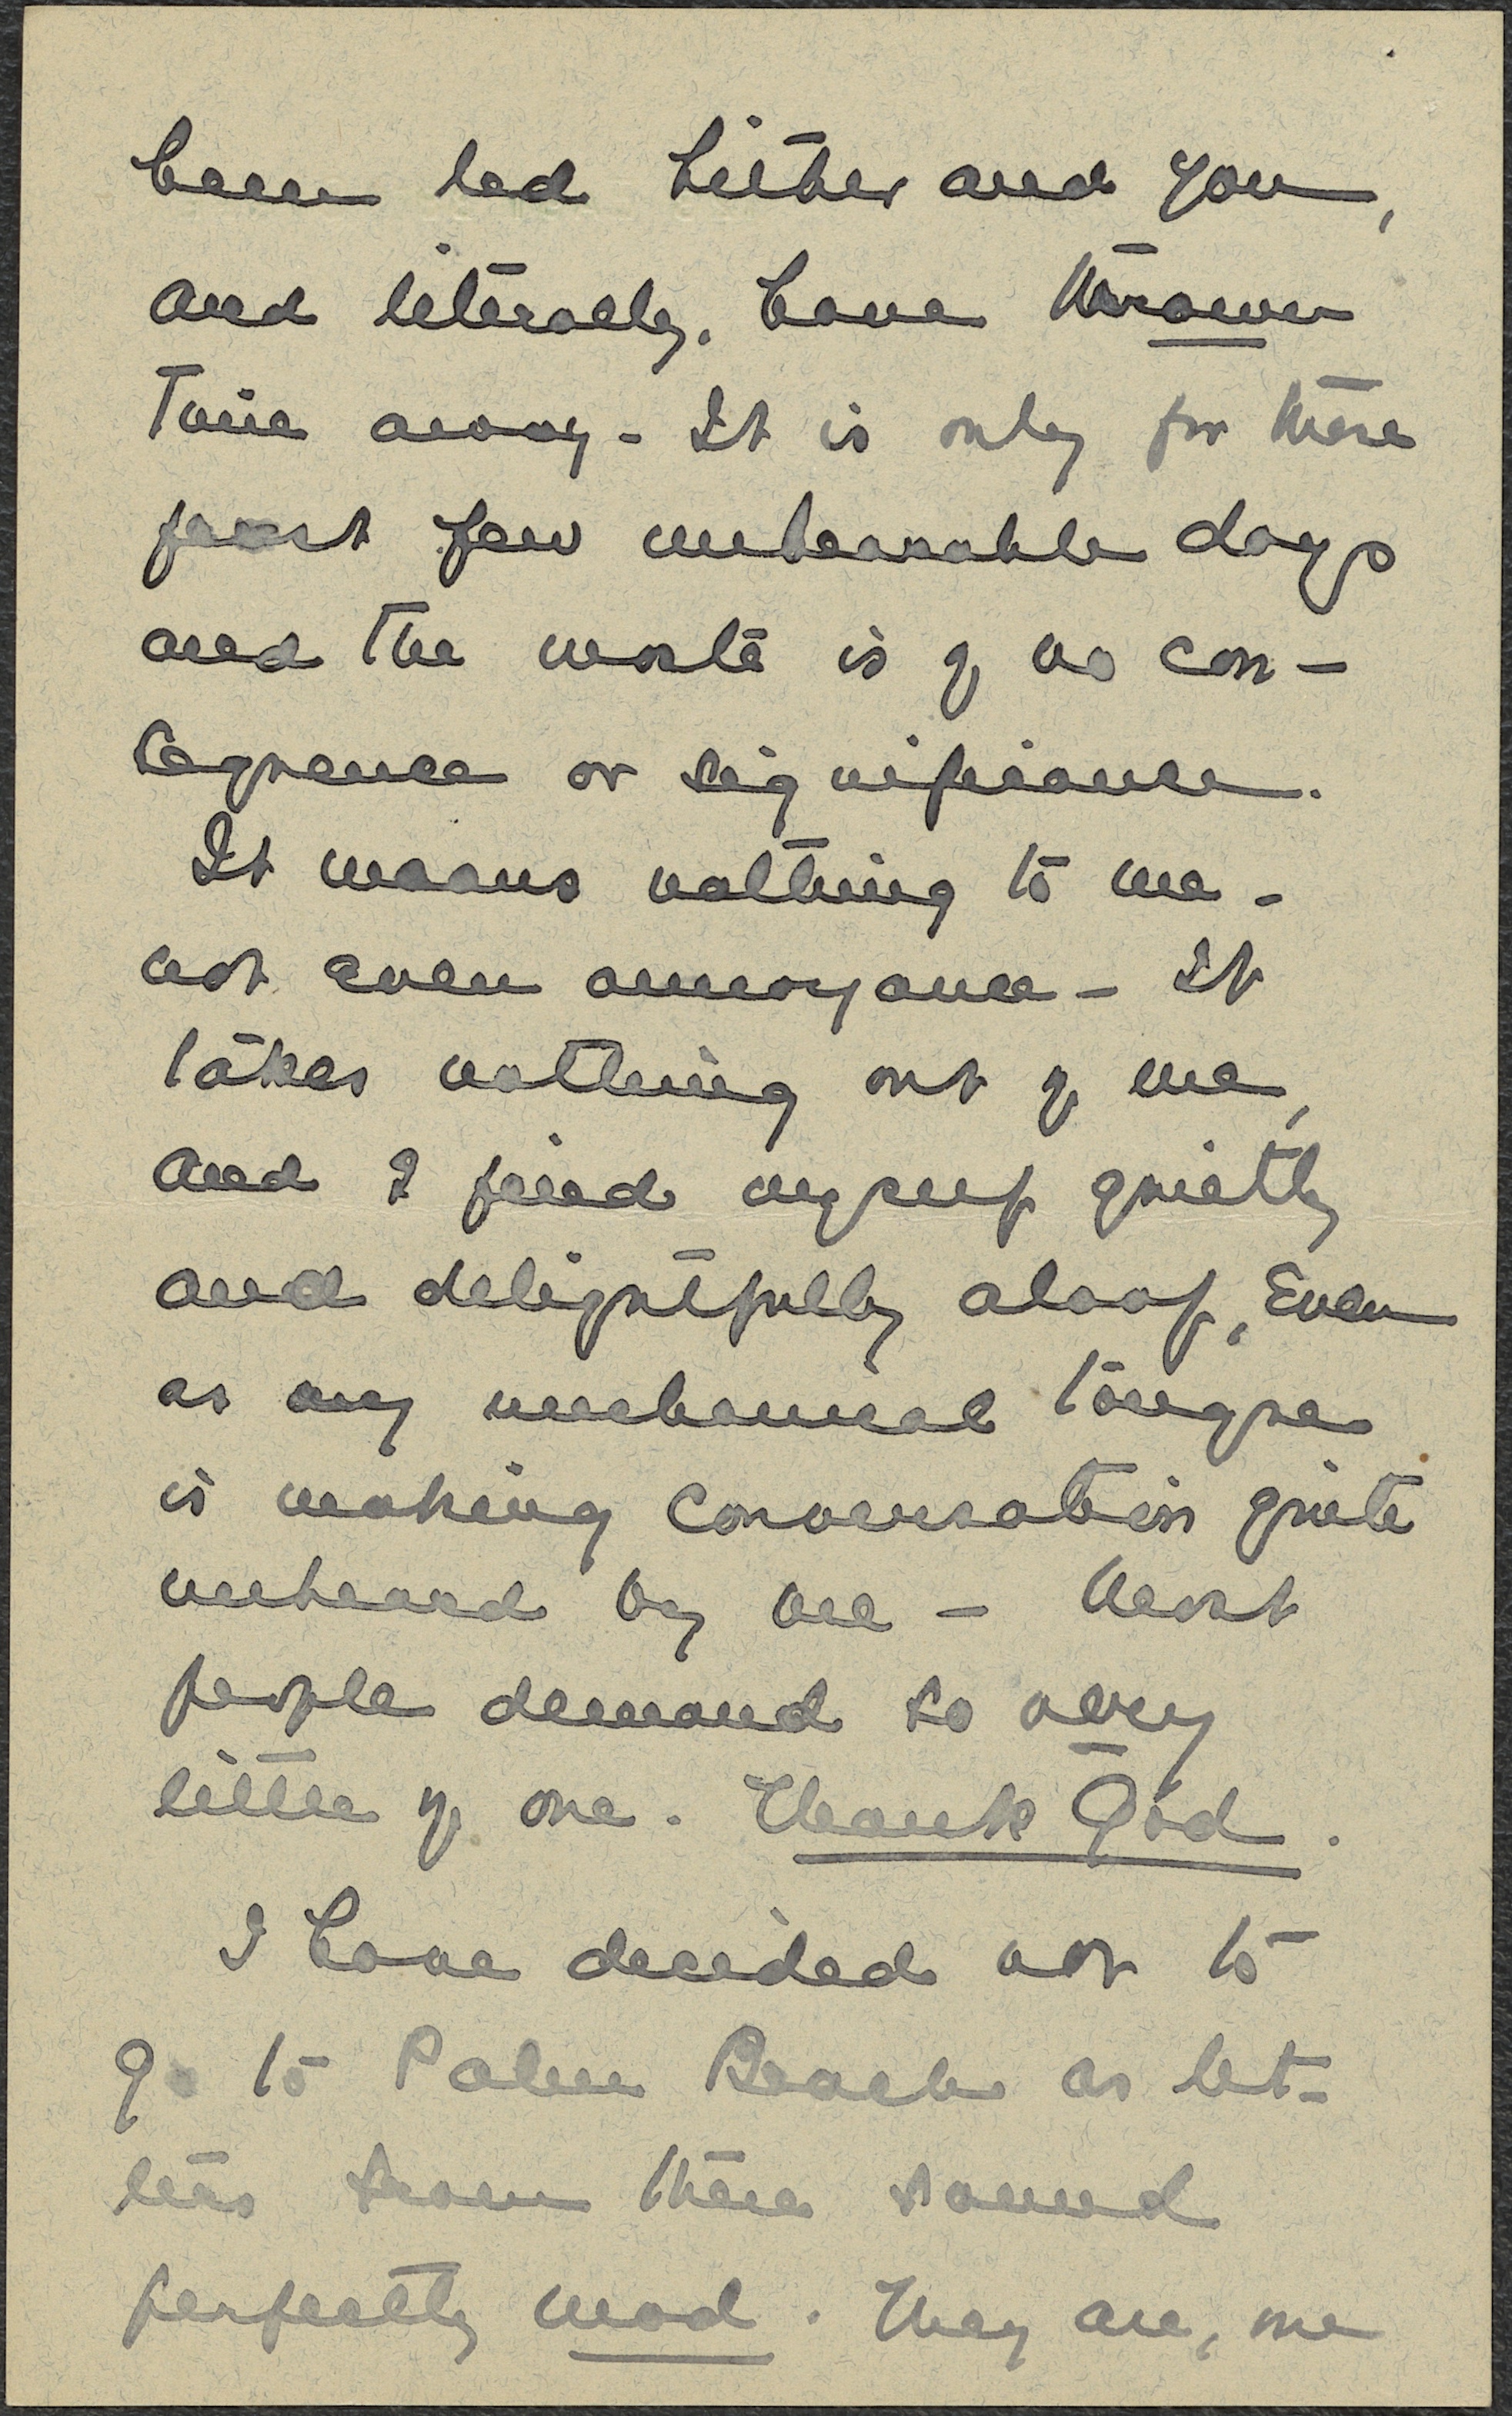been led hither and yon, and literally have thrown time away. It is only for these first few unbearable days and the waste is of no consequence or significance.
It means nothing to me – not even annoyance – It takes nothing out of me and I find myself quietly and delightfully aloof, even as my unchained tongue is making conversation quite unheard by me – Most people demand so very little of one. Thank God.
I have decided not to go to Palm Beach as letters from there sound perfectly mad. They are, one